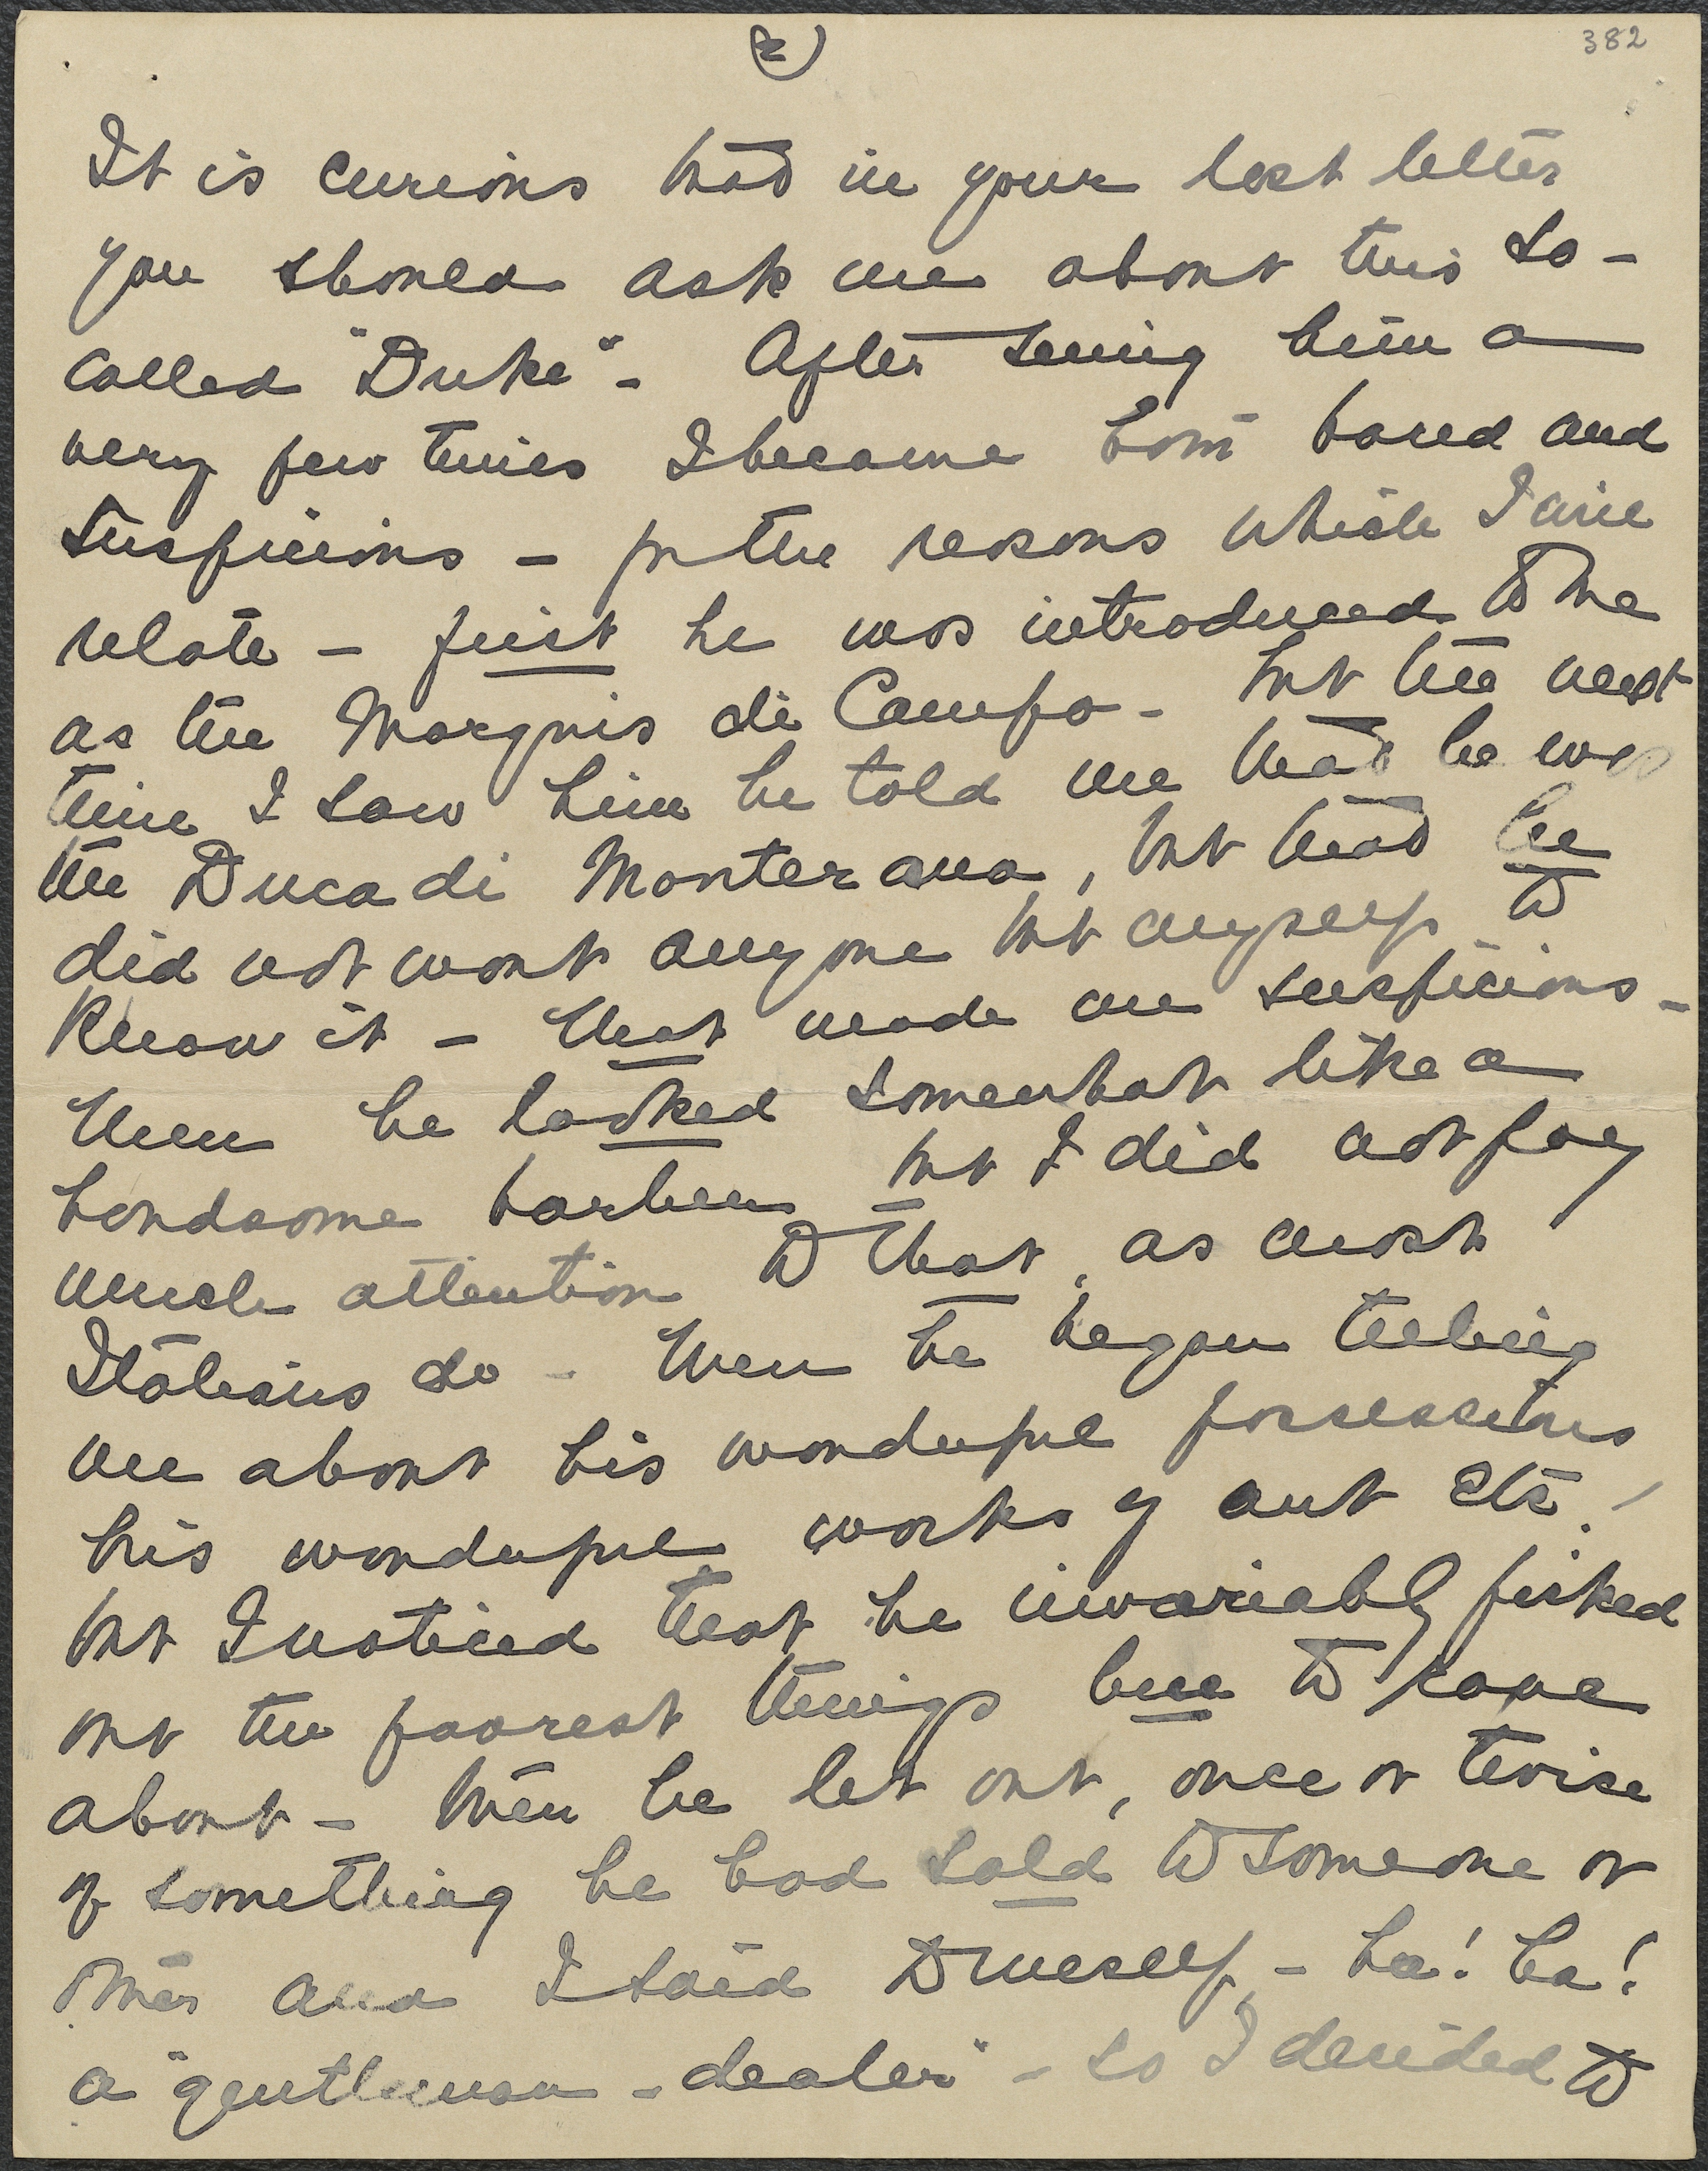[circled: 2]
It is curious that in your last letter you should ask me about this so-called “Duke” – After seeing him a very few times I became both bored and suspicious – for the reasons which I will relate – first he was introduced to me as the Marquis di Campo – but the next time I saw him he told me that he was the Duca di Monterana, but that he did not want anyone but myself to know it – that made me suspicious – then he looked somewhat like a handsome barber but I did not pay much attention to that, as most Italians do – then he began telling me about his wonderful possessions his wonderful works of art etc. but I noticed that he invariably picked out the poorest things here to rave about – then he let out, once or twice of something he had sold to someone or other and I said to meself [sic] – ha! ha! a “gentleman-dealer” – so I decided to